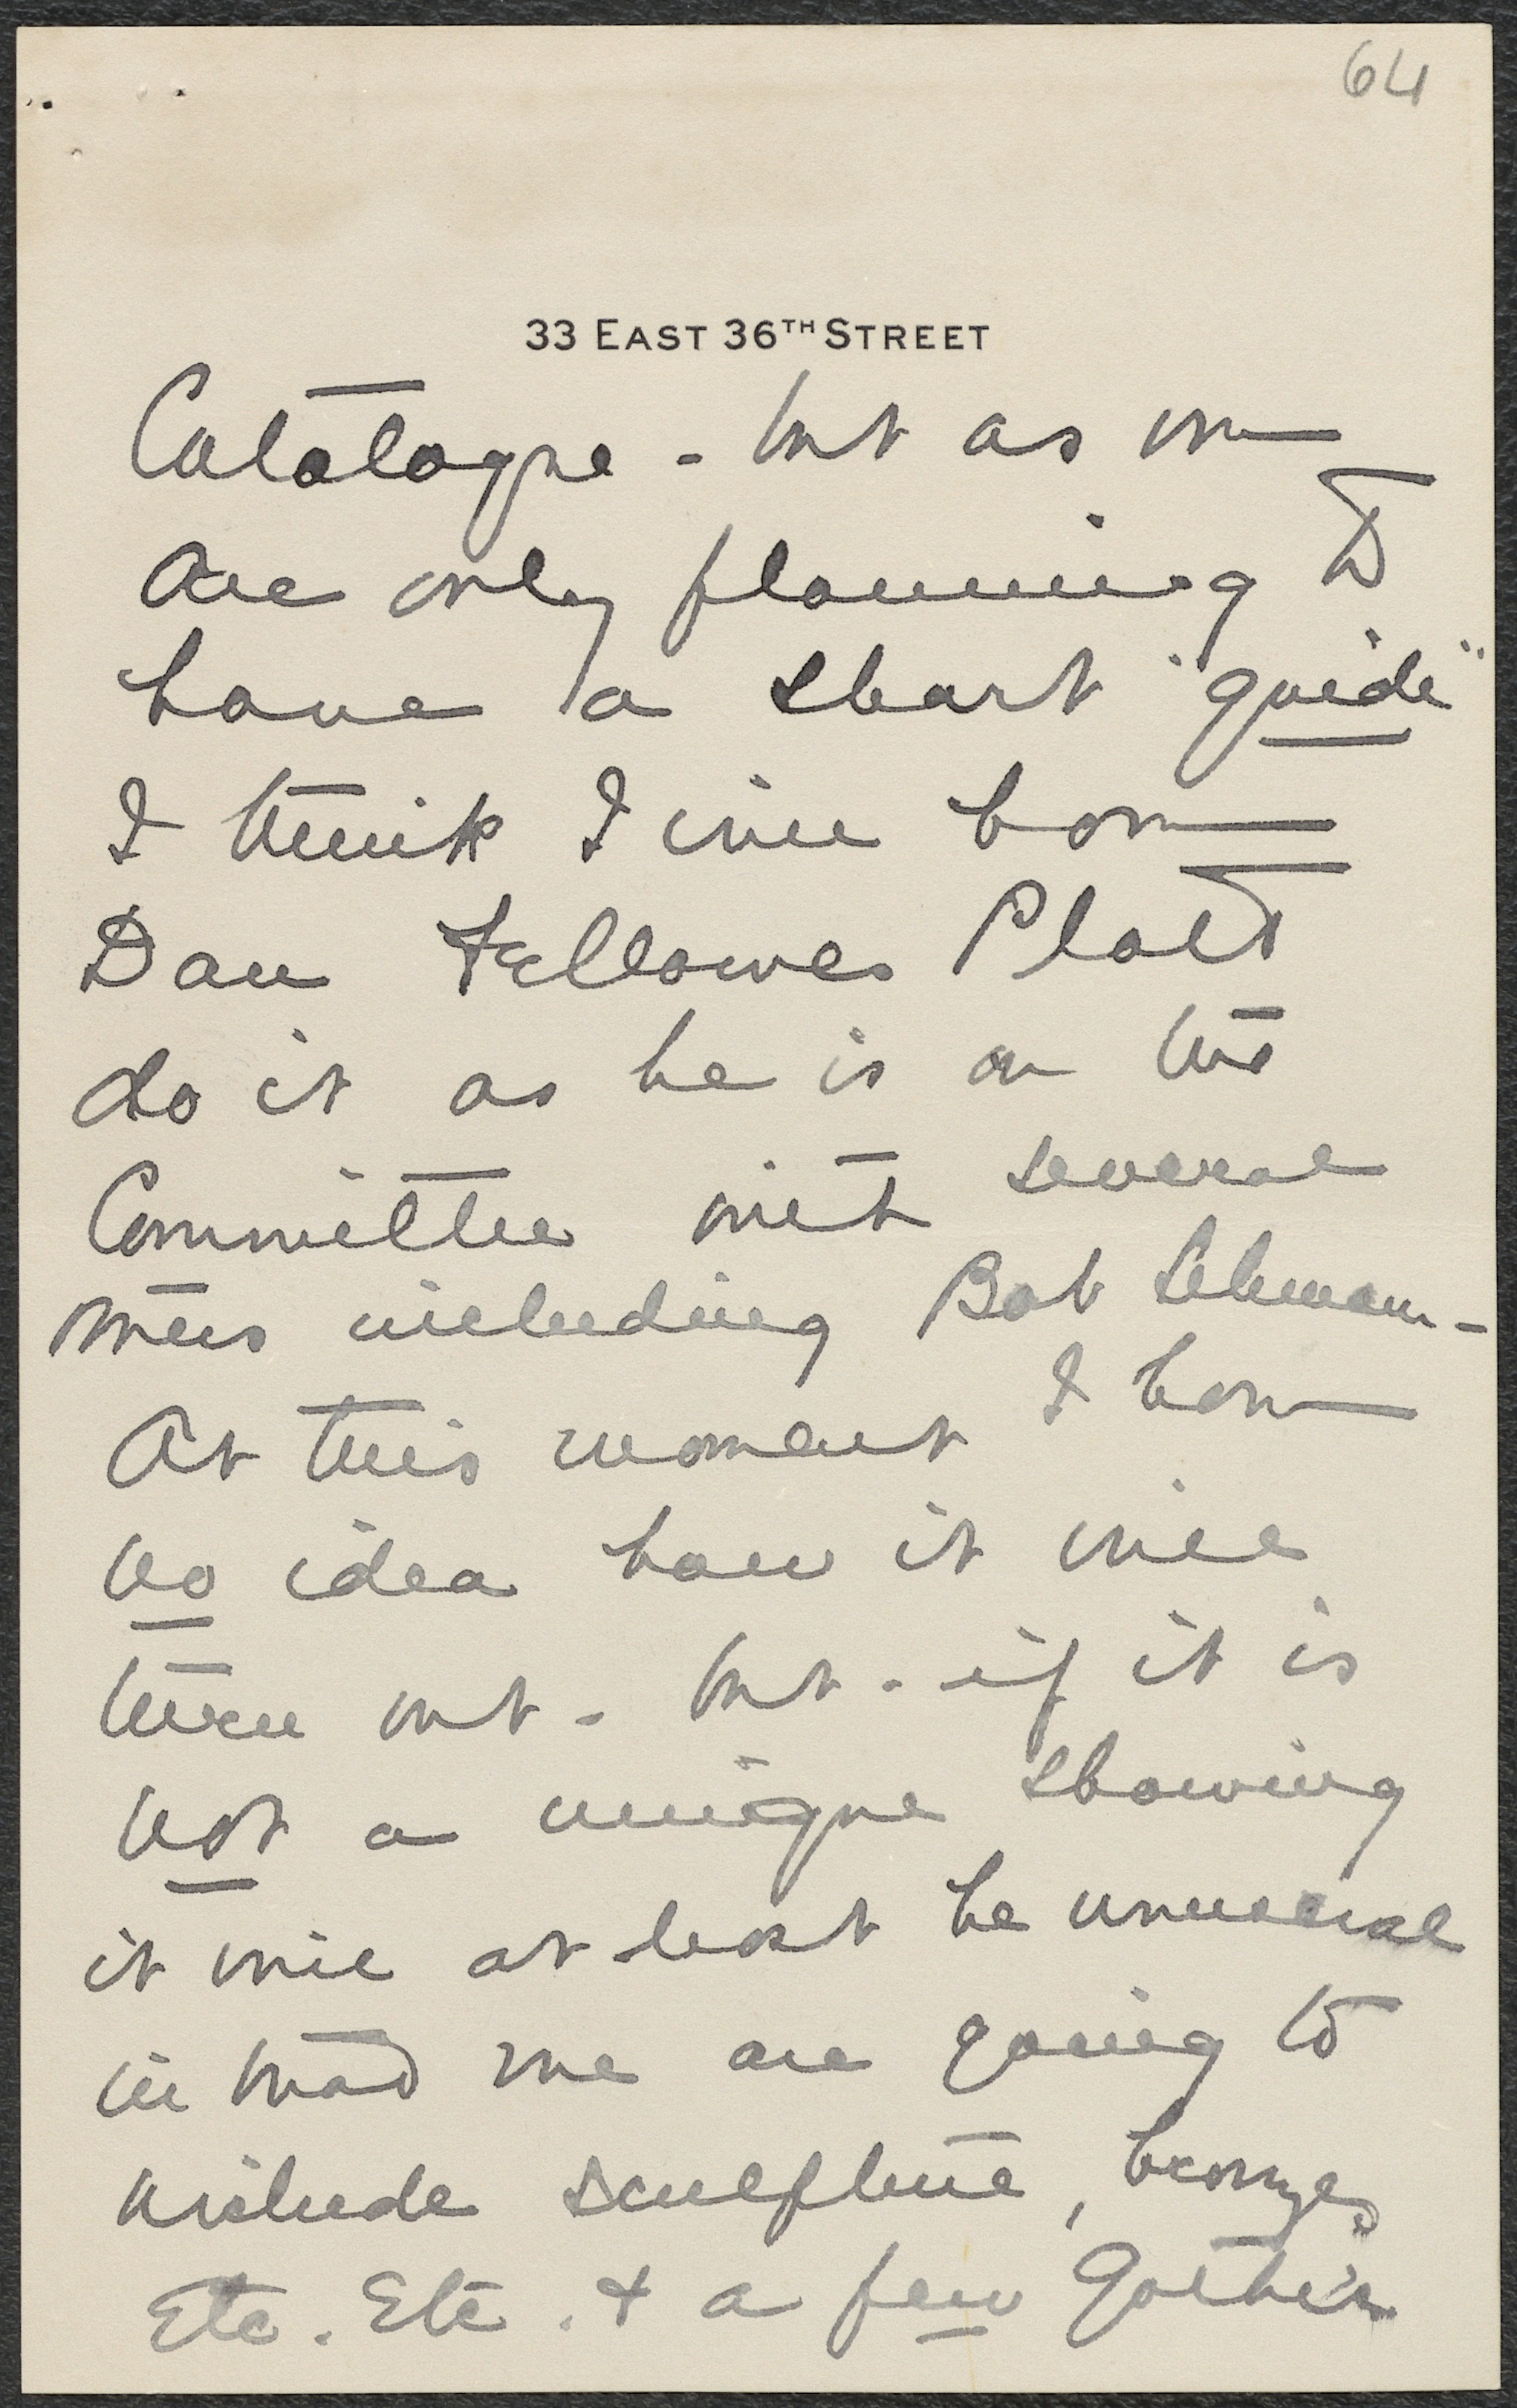Catalogue – but as we are only planning to have a short "guide" I think I will have Dan Fellowes Platt do it as he is on the Committee with several others including Bob Lehman –
At this moment I have no idea how it will turn out – but, if it is not a unique showing it will at least be unusual in that we are going to include sculpture, bronzes etc. etc & a few Gothic